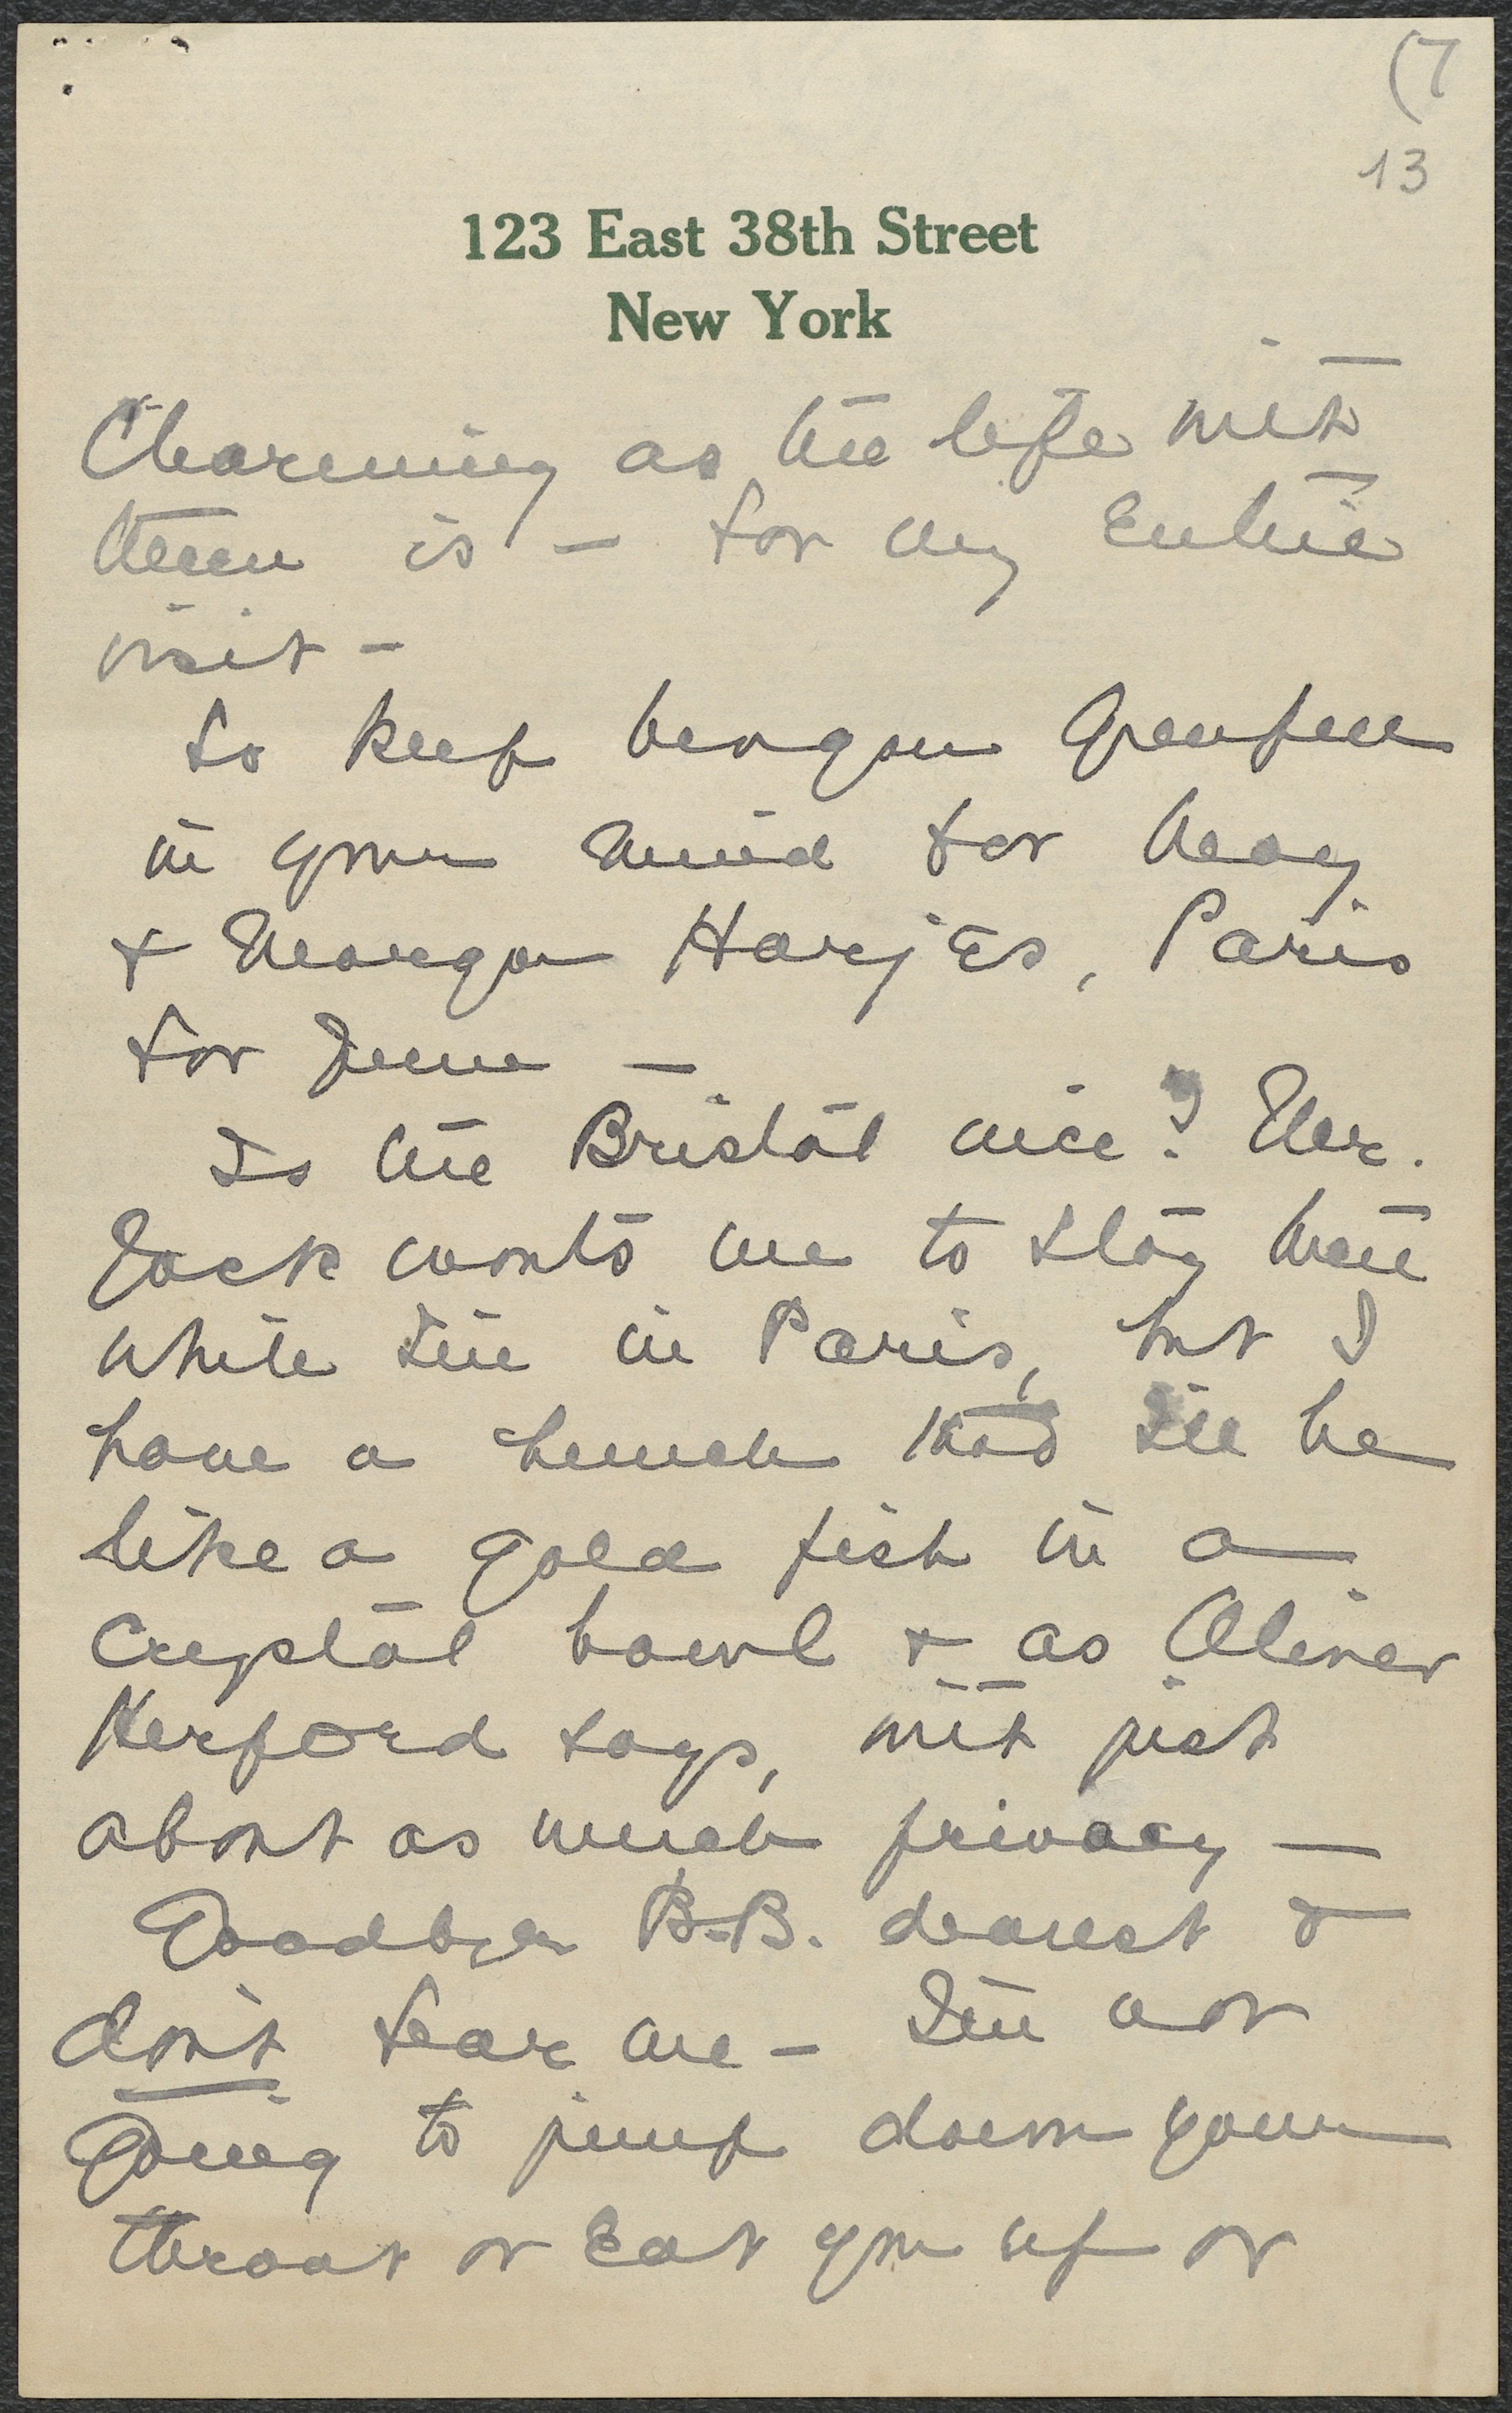Charming as the life with them is – for my entire visit –
So keep Morgan Grenfell in your mind for May & Morgan Harjes, Paris for June –
Is the Bristol nice? Mr. Jack wants me to stay there while I'm in Paris, but I have a hunch that I'll be like a gold fish in a crystal bowl & as Oliver Herford says, with just about as much privacy –
Goodbye B.B. dearest & don't fear me – I'm not going to jump down your throat or eat you up or